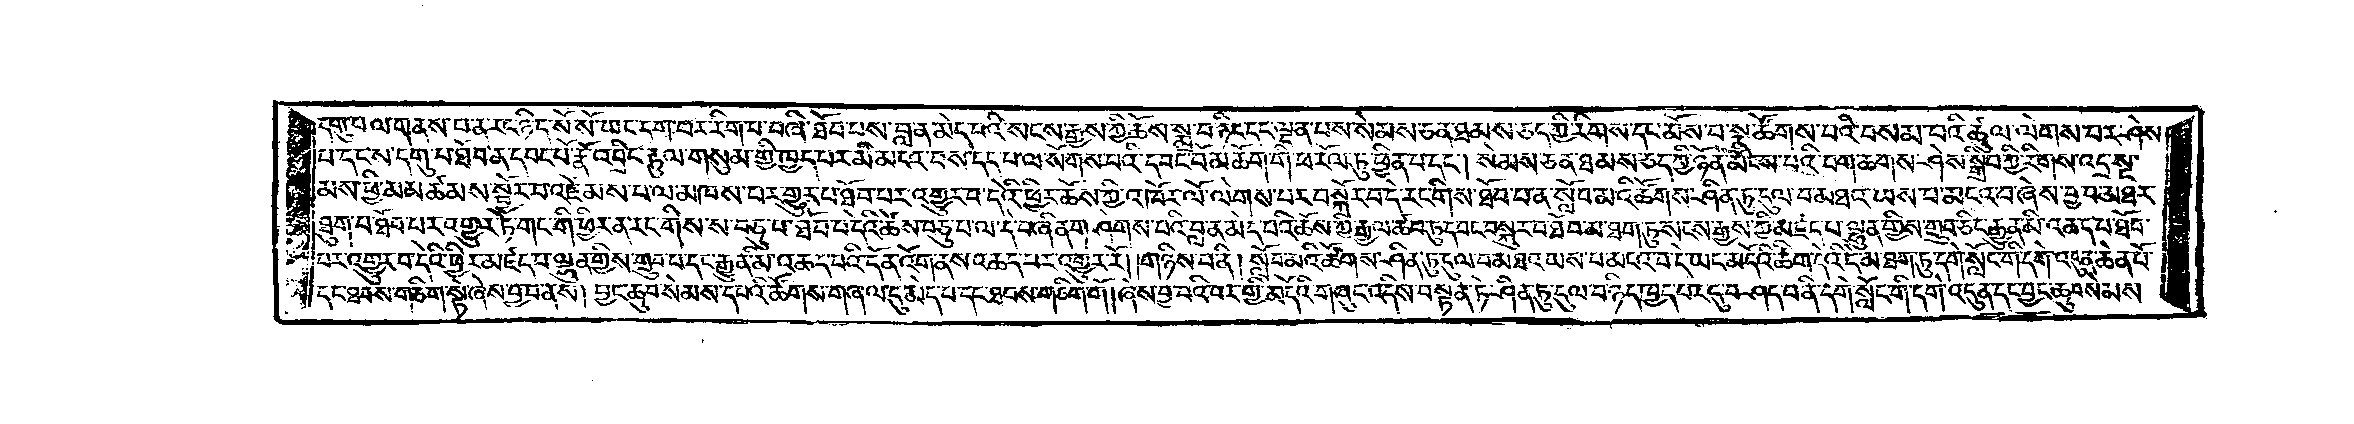དགུ་པ་ལ་གནས་པ་ན་རང་ཉིད་སོ་སོ་ཡང་དག་པར་རིག་པ་བཞི་ཐོབ་པས་བླ་ན་མེད་པའི་སངས་རྒྱས་ཀྱི་ཆོས་སྨྲ་བ་ཉིད་དང་ལྡན་པས་སེམས་ཅན་ཐམས་ཅད་ཀྱི་རིགས་དང་མོས་པ་སྣ་ཚོགས་པའི་བསམ་པའི་ཚུལ་ལེགས་པར་ཤེས་
པ་དང་ས་དགུ་པ་ཐོབ་ན་དབང་པོ་རྣོ་འབྲིང་རྟུལ་གསུམ་གྱི་ཁྱད་པར་མི་མངའ་བས་དད་པ་ལ་སོགས་པའི་དབང་པོ་མཆོག་གི་ཕ་རོལ་ཏུ་ཕྱིན་པ་དང་། སེམས་ཅན་ཐམས་ཅད་ཀྱི་ཉོན་མོངས་པའི་བག་ཆགས་ཤེས་སྒྲིབ་ཀྱི་རིགས་འདྲ་སྔ་
མས་ཕྱི་མ་མཚམས་སྦྱོར་བ་འཇོམས་པ་ལ་མཁས་པར་གྱུར་པ་ཐོབ་པར་འགྱུར་བ་དེའི་ཕྱིར་ཆོས་ཀྱི་འཁོར་ལོ་ལེགས་པར་བསྐོར་བ་དེ་རང་གིས་ཐོབ་པ་ན་སློབ་མའི་ཚོགས་ཤིན་ཏུ་དུལ་བ་མཐའ་ཡས་པ་མངའ་བ་ཞེས་བྱ་བ་མཐར་
ཐུག་པ་ཐོབ་པར་འགྱུར་ཏེ་གང་གི་ཕྱིར་ན་རང་གིས་ས་བཅུ་པ་ཐོབ་པ་དེའི་ཚེས་བཅུ་པ་ལ་དེ་བཞིན་གཤེགས་པའི་བླ་ན་མེད་པའི་ཆོས་ཀྱི་རྒྱལ་ཚབ་ཏུ་དབང་བསྐུར་བ་ཐོབ་མ་ཐག་ཏུ་སངས་རྒྱས་ཀྱི་མཛད་པ་ལྷུན་གྱིས་གྲུབ་ཅིང་རྒྱུན་མི་འཆད་པ་ཐོབ་
པར་འགྱུར་བ་དེའི་ཕྱིར་མཛད་པ་ལྷུན་གྱིས་གྲུབ་པ་དང་རྒྱུན་མི་འཆད་པའི་དོན་འོག་ནས་འཆད་པར་འགྱུར་རོ། །གཉིས་པ་ནི། སློབ་མའི་ཚོགས་ཤིན་ཏུ་དུལ་བ་མཐའ་ཡས་པ་མངའ་བ་དེ་ཡང་མདོའི་ཚིག་དེའི་དེ་མ་ཐག་ཏུ་དགེ་སློང་གི་དགེ་འདུན་ཆེན་པོ་
དང་ཐབས་གཅིག་སྟེ་ཞེས་བྱ་བ་ནས། བྱང་ཆུབ་སེམས་དཔའི་ཚོགས་གཞལ་དུ་མེད་པ་དང་ཐབས་གཅིག་གོ །ཞེས་བྱ་བའི་བར་གྱི་མདོའི་གཞུང་འདིས་བསྟན་ཏེ་ཤིན་ཏུ་དུལ་བ་ཉིད་ཁྱད་པར་དུ་བཤད་པ་ནི་དགེ་སློང་གི་དགེ་འདུན་དང་བྱང་ཆུབ་སེམས་